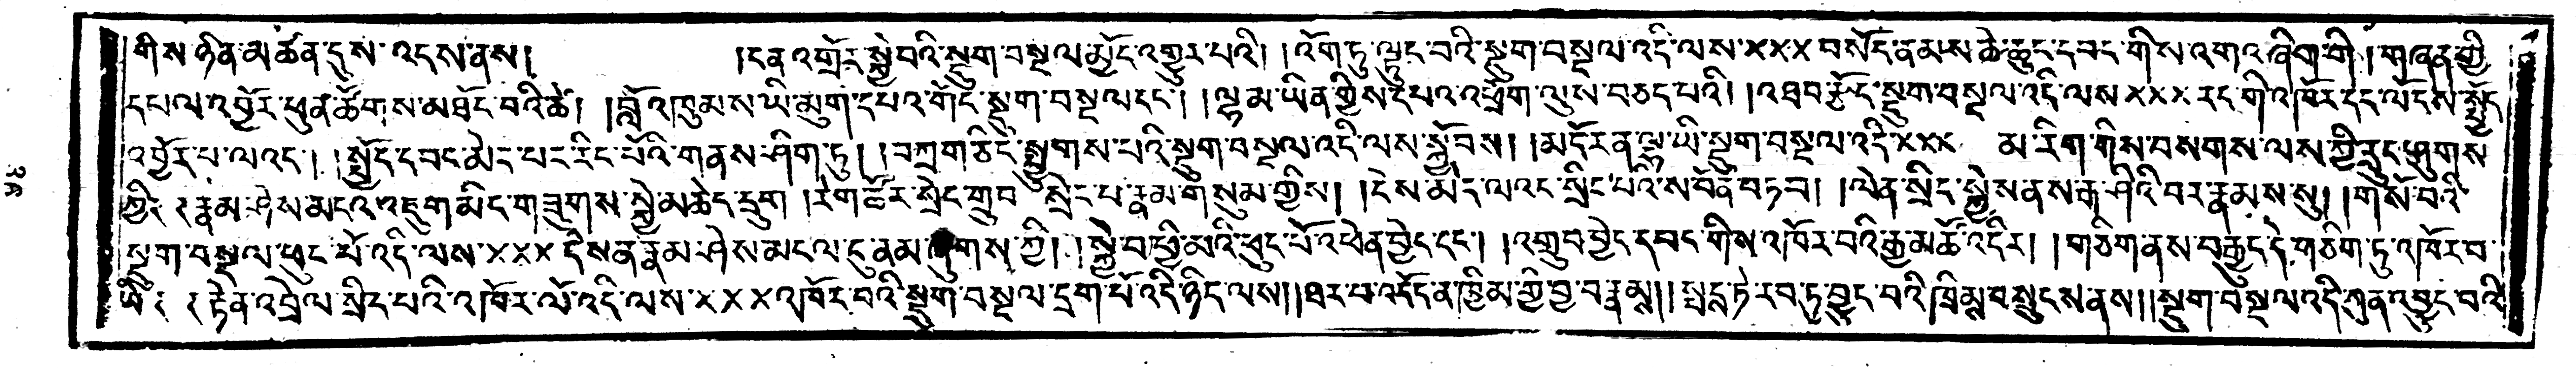གིས་ཉིན་མཚན་དུས་འདས་ནས། །ངན་འགྲོར་སྐྱེ་བའི་སྡུག་བསྔལ་མྱོང་འགྱུར་པའི། །འོག་ཏུ་ལྟུང་བའི་སྡུག་བསྔལ་འདི་ལས་྾་྾་྾་བསོད་ནམས་ཆེ་ཆུང་དབང་གིས་འགའ་ཞིག་གི །གཞན་གྱི་
དཔལ་འབྱོར་ཕུན་ཚོགས་མཐོང་བའི་ཚེ། །བློ་འཁུམས་ཡི་མུག་དཔའ་གོང་སྡུག་བསྔལ་དང་། །ལྷ་མ་ཡིན་གྱིས་དཔའ་འཕྲོག་ལུས་བཅད་པའི། །འཐབ་རྩོད་སྡུག་བསྔལ་འདི་ལས་྾་྾་྾་རང་གི་འཁོར་དང་ལོངས་སྤྱོད་
འབྱོར་པ་ལའང་། །སྤྱོད་དབང་མེད་པར་རིང་པོའི་གནས་ཤིག་ཏུ། །བཀྲག་ཅིང་སྤྱུགས་པའི་སྡུག་བསྔལ་འདི་ལས་སྐྱོབས། །མདོར་ན་ལྷ་ཡི་སྡུག་བསྔལ་འདི་྾་྾་྾་མ་རིག་གིས་བསགས་ལས་ཀྱི་རླུང་ཤུགས་
ཀྱི༑ ༑རྣམ་ཤེས་མངའ་འཇུག་མིང་གཟུགས་སྐྱེ་མཆེད་དྲུག །རེག་ཚོར་སྲེང་གྲུབ་སྲེང་པ་རྣམ་གསུམ་གྱིས། །ངེས་མེད་ལའང་སྲིང་པའི་ས་བོན་བཏབ། །ལེན་སྲིད་སྐྱེས་ནས་རྒ་ཤིའི་བར་རྣམས་སུ། །གསོ་བའི་
སྡུག་བསྔལ་ཕུང་པོ་འདི་ལས་྾་྾་྾་དེས་ན་རྣམ་ཤེས་མངལ་དུ་ནམ་ཞུགས་ཀྱི། །སྐྱེ་བ་ཕྱི་མའི་ཕུང་པོ་འཕེན་བྱེད་དང་། །འགྲུབ་བྱེད་དབང་གིས་འཁོར་བའི་རྒྱ་མཚོ་འདིར། །གཅིག་ནས་བརྒྱུད་དེ་གཅིག་ཏུ་འཁོར་བ་
ཡི༑ ༑རྟེན་འབྲེལ་སྲིད་པའི་འཁོར་ལོ་འདི་ལས་྾་྾་྾་འཁོར་བའི་སྡུག་བསྔལ་དྲག་པོ་འདི་ཉིད་ལས། །ཐར་པ་འདོད་ན་ཁྱིམ་གྱི་བྱ་བ་རྣམས། །སྤངས་ཏེ་རབ་ཏུ་བྱུང་བའི་ཁྲིམས་བསྲུངས་ནས། །སྡུག་བསྔལ་འདི་ཀུན་འབྱུང་བའི་